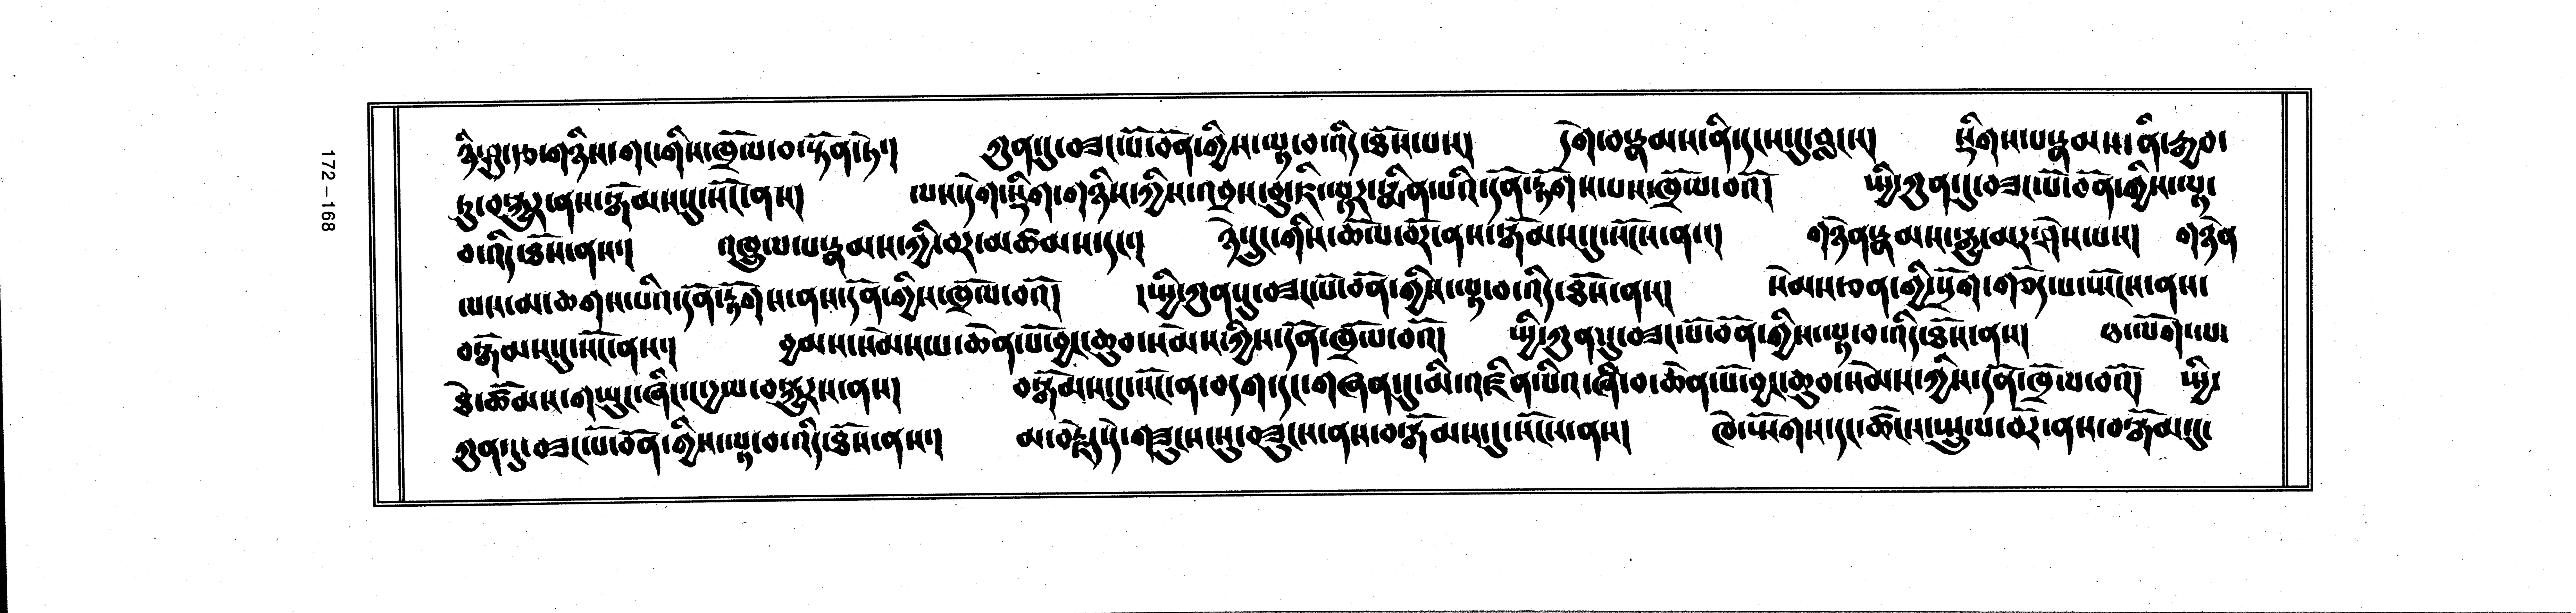ཉི་ཤུ་རྩ་གཉིས་གང་གིས་ཁྲོལ་བ་སྟོན་ཏེ། ཀུན་ཏུ་བཟང་པོ་བོན་གྱིས་ལྟ་བ་འདི་ཐོས་པས། དགེ་བ་རྣམས་ནི་དངས་དུ་བླངས། སྡིག་པ་རྣམས་ནི་རྒྱབ་
ཏུ་བསྐྱུར་ནས་སྒོམས་སུ་སོང་ནས། ལས་དགེ་སྡིག་གཉིས་ཀྱིས་འབྲས་བུ་ཇི་ལྟར་སྨིན་པའི་དོན་རྟོགས་པས་ཁྲོལ་བའོ། སྤྱི་ཀུན་ཏུ་བཟང་པོ་བོན་གྱིས་ལྟ་
བ་འདི་ཐོས་ནས། འཁྲུལ་པ་རྣམས་ཀྱི་བར་མཚམས་དང་། ཉེ་དྲུང་གིས་ཆོལ་བོར་ནས་སྒོམས་དུ་སོངས་ན། གཉེན་རྣམས་སྒྱུ་མར་ཤེས་པས། གཉེན་
ལས་མ་ཆགས་པའི་དོན་རྟོགས་ནས་དོན་གྱིས་ཁྲོལ་བའོ། སྤྱི་ཀུན་དུ་བཟང་པོ་བོན་གྱིས་ལྟ་བ་འདི་ཐོས་ནས། སེམས་ཅན་གྱི་སྲོག་གཅོད་པ་སྤོངས་ནས་
བསྒོམས་དུ་སོང་ནས། བྱམས་སེམས་པ་ཆེན་པོ་བྱང་ཆུབ་སེམས་ཀྱིས་དོན་ཁྲོལ་བའོ། སྤྱི་ཀུན་ཏུ་བཟང་པོ་བོན་གྱིས་ལྟ་བ་འདི་ཐོས་ནས། ཕ་ལོག་ལ་
ཐེ་ཚོམས་གཡུང་ཞིང་ང་རྒྱལ་བསྐྱུརས་ནས། བསྒོམས་དུ་སོང་ན་བདག་དང་གཞན་དུ་མི་འཛིན་པའི་ཞི་བ་ཆེན་པོ་བྱང་ཆུབ་སེམས་ཀྱིས་དོན་ཁྲོལ་བའོ། སྤྱི་
ཀུན་ཏུ་བཟང་པོ་བོན་གྱིས་ལྟ་བ་འདི་ཐོས་ནས། མ་བརྗེད་དེ་གཟུངས་སུ་བཟུངས་ནས་བསྒོམས་དུ་སོངས་ནས། ཁེ་སྤོགས་དང་ཚོངས་སྤྲུལ་བོར་ནས་བསྒོམ་དུ་